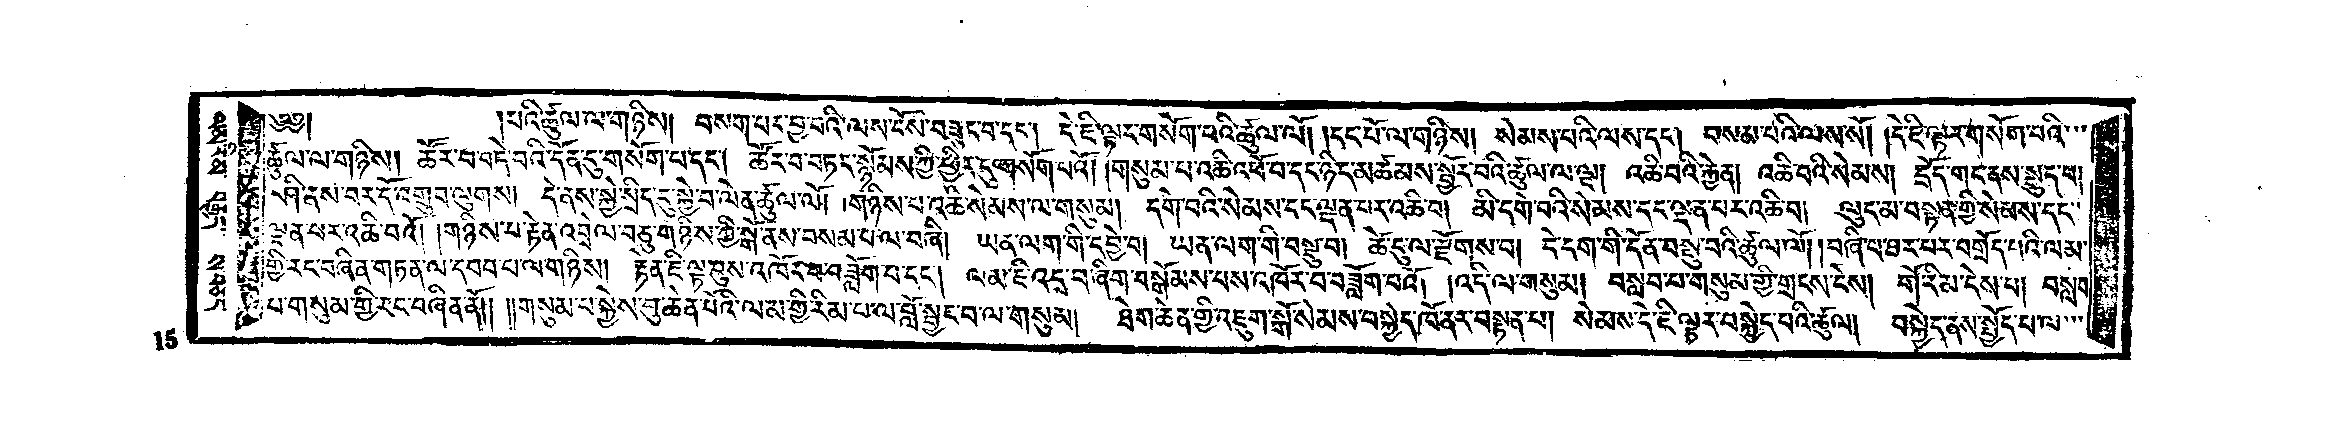༄༅། །པའི་ཚུལ་ལ་གཉིས། བསག་པར་བྱ་བའི་ལས་ངོས་བཟུང་བ་དང་། དེ་ཇི་ལྟར་གསོག་པའི་ཚུལ་ལོ། །དང་པོ་ལ་གཉིས། སེམས་པའི་ལས་དང་། བསམ་པའི་ལས་སོ། །དེ་ཇི་ལྟར་གསོག་པའི་
ཚུལ་ལ་གཉིས། ཚོར་བ་བདེ་བའི་དོན་དུ་གསོག་པ་དང་། ཚོར་བ་བཏང་སྙོམས་ཀྱི་ཕྱིར་དུ་གསོག་པའོ། །གསུམ་པ་འཆི་འཕོ་བ་དང་ཉིང་མཚམས་སྦྱོར་བའི་ཚུལ་ལ་ལྔ། འཆི་བའི་རྐྱེན། འཆི་བའི་སེམས། དྲོད་གང་ནས་སྡུད་པ།
ཤི་ནས་བར་དོ་འགྲུབ་ལུགས། དེ་ནས་སྐྱེ་སྲིད་དུ་སྐྱེ་བ་ལེན་ཚུལ་ལོ། །གཉིས་པ་འཆི་སེམས་ལ་གསུམ། དགེ་བའི་སེམས་དང་ལྡན་པར་འཆི་བ། མི་དགེ་བའི་སེམས་དང་ལྡན་པར་འཆི་བ། ལུང་མ་བསྟན་གྱི་སེམས་དང་
ལྡན་པར་འཆི་བའོ། །གཉིས་པ་རྟེན་འབྲེལ་བཅུ་གཉིས་ཀྱི་སྒོ་ནས་བསམ་པ་ལ་བཞི། ཡན་ལག་གི་དབྱེ་བ། ཡན་ལག་གི་བསྡུ་བ། ཚེ་དུ་ལ་རྫོགས་པ། དེ་དག་གི་དོན་བསྡུ་བའི་ཚུལ་ལོ། །བཞི་པ་ཐར་པར་བགྲོད་པའི་ལམ་
གྱི་རང་བཞིན་གཏན་ལ་དབབ་པ་ལ་གཉིས། རྟེན་ཇི་ལྟ་བུས་འཁོར་བ་བཟློག་པ་དང་། ལམ་ཇི་འདྲ་བ་ཞིག་བསྒོམས་པས་འཁོར་བ་བཟློག་པའོ། །འདི་ལ་གསུམ། བསླབ་པ་གསུམ་གྱི་གྲངས་ངེས། གོ་རིམ་ངེས་པ། བསླབ་
པ་གསུམ་གྱི་རང་བཞིན་ནོ།། །།གསུམ་པ་སྐྱེས་བུ་ཆེན་པོའི་ལམ་གྱི་རིམ་པ་ལ་བློ་སྦྱང་བ་ལ་གསུམ། ཐེག་ཆེན་གྱི་འཇུག་སྒོ་སེམས་བསྐྱེད་ཁོ་ནར་བསྟན་པ། སེམས་དེ་ཇི་ལྟར་བསྐྱེད་པའི་ཚུལ། བསྐྱེད་ནས་སྤྱོད་པ་ལ་